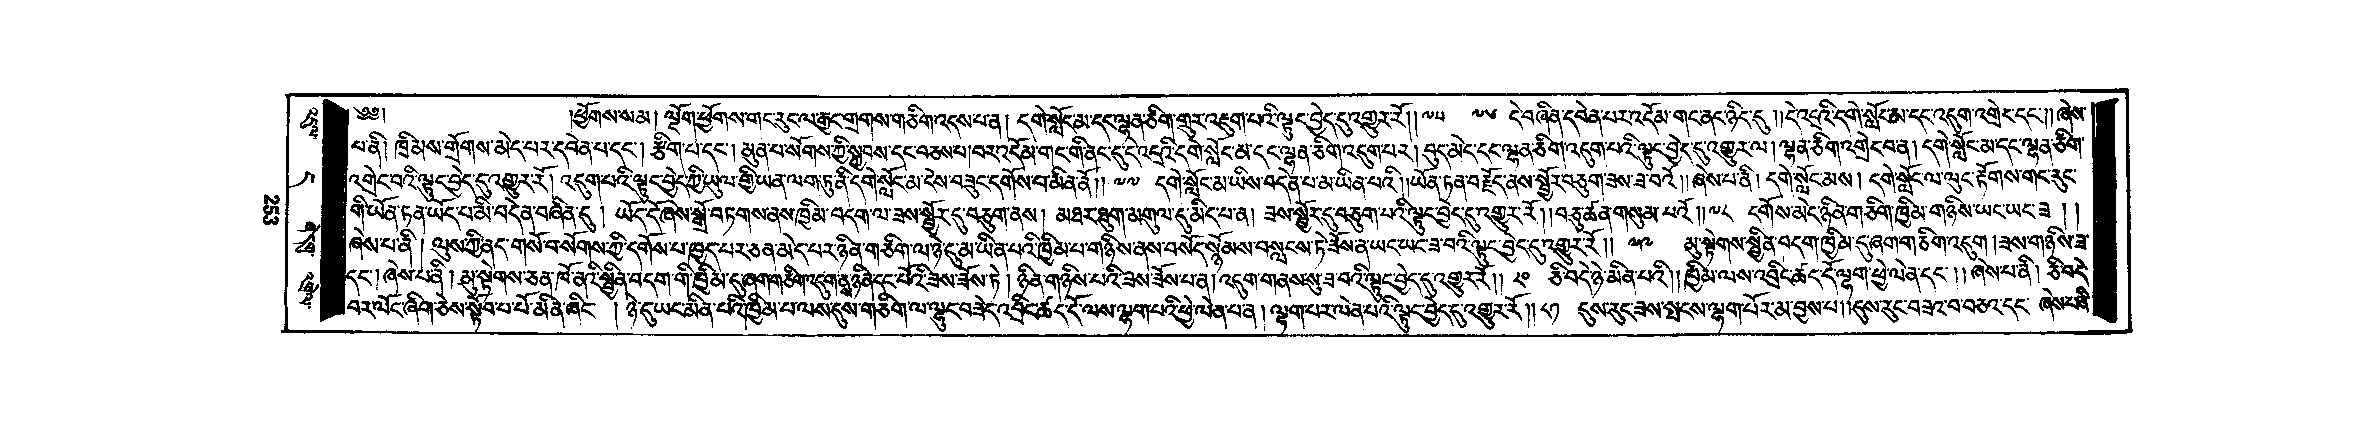༄༅། །ཕྱོགས་སམ། ལྡོག་ཕྱོགས་གང་རུང་ལ་རྒྱང་གྲགས་གཅིག་འདས་པ་ན། དགེ་སློང་མ་དང་ལྷན་ཅིག་གྲུར་འཇུག་པའི་ལྟུང་བྱེད་དུ་འགྱུར་རོ། །དེ་བཞིན་དབེན་པར་འདོམ་གང་ནང་ཉིད་དུ། །དེ་འདྲའི་དགེ་སློང་མ་དང་འདུག་འགྲེང་དང་། །ཞེས་
པ་ནི། ཁྲིམས་གྲོགས་མེད་པར་དབེན་པ་དང་། རྩིག་པ་དང་། མུན་པ་སོགས་ཀྱི་སྐྱབས་དང་བཅས་པ། བར་འདོམ་གང་གི་ནང་དུ་དེ་འདྲའི་དགེ་སློང་མ་དང་ལྷན་ཅིག་འདུག་པར། བུད་མེད་དང་ལྷན་ཅིག་འདུག་པའི་ལྟུང་བྱེད་དུ་འགྱུར་ལ། ལྷན་ཅིག་འགྲེང་བ་ན། དགེ་སློང་མ་དང་ལྷན་ཅིག་
འགྲེང་བའི་ལྟུང་བྱེད་དུ་འགྱུར་རོ། འདུག་པའི་ལྟུང་བྱེད་ཀྱི་ཡུལ་གྱི་ཡན་ལག་ཏུ་ནི་དགེ་སློང་མ་ངེས་བཟུང་དགོས་པ་མིན་ནོ། །དགེ་སློང་མ་ཡིས་བདེན་པ་མ་ཡིན་པའི། །ཡོན་ཏན་བརྗོད་ནས་སྦྱོར་བཅུག་ཟས་ཟ་བའོ། །ཞེས་པ་ནི། དགེ་སློང་མས། དགེ་སློང་ལ་ལུང་རྟོགས་གང་རུང་
གི་ཡོན་ཏན་ཡོད་པ་མི་བདེན་བཞིན་དུ། ཡོད་དོ་ཞེས་སྒྲོ་བཏགས་ནས་ཁྱིམ་བདག་ལ་ཟས་སྦྱོར་དུ་བཅུག་ནས། མཐར་ཐུག་མགུལ་དུ་མིད་པ་ན། ཟས་སྦྱོར་དུ་བཅུག་པའི་ལྟུང་བྱེད་དུ་འགྱུར་རོ། །བཅུ་ཚན་གསུམ་པའོ། །དགོས་མེད་ཉིན་གཅིག་ཁྱིམ་གཉིས་ཡང་ཡང་ཟ། །
ཞེས་པ་ནི། ལུས་ཀྱི་ནད་གསོ་བ་སྒོས་ཀྱི་དགོས་པ་ཁྱད་པ་ཅན་མེད་པར་ཉིན་གཅིག་ལ་ཉེ་དུ་མ་ཡིན་པའི་ཁྱིམ་པ་གཉིས་ནས་བསོད་སྙོམས་བསླངས་ཏེ་ཟོས་ན་ཡང་ཡང་ཟ་བའི་ལྟུང་བྱེད་དུ་འགྱུར་རོ། །མུ་སྟེགས་སྦྱིན་བདག་ཁྱིམ་དུ་ཞག་གཅིག་འདུག །ཟས་གཉིས་ཟ་
དང་། ཞེས་པ་ནི། མུ་སྟེགས་ཅན་ཁོ་ནའི་སྦྱིན་བདག་གི་ཁྱིམ་དུ་ཞག་གཅིག་འདུག་ནས་ཉིན་དང་པོའི་ཟས་ཟོས་ཏེ། ཉིན་གཉིས་པའི་ཟས་ཟོས་པ་ན། འདུག་གནས་སུ་ཟ་བའི་ལྟུང་བྱེད་དུ་འགྱུར་རོ། །ཅི་བདེ་ཉེ་མིན་པའི། །ཁྱིམ་ལས་འབྲིང་ཚད་དོ་ལྷག་ཕྱེ་ལེན་དང་། །ཞེས་པ་ནི། ཅི་བདེ་
བར་ལོང་ཞིག་ཅེས་སྟོབ་པ་པོ་མིན་ཞིང་། ཉེ་དུ་ཡང་མིན་པའི་ཁྱིམ་པ་ལས་དུས་གཅིག་ལ་ལྷུང་བཟེད་འབྲིང་ཚད་དོ་ལས་ལྷག་པའི་ཕྱེ་ལེན་པ་ན། ལྷག་པར་ལེན་པའི་ལྟུང་བྱེད་དུ་འགྱུར་རོ། །དུས་རུང་ཟས་སྤངས་ལྷག་པོར་མ་བྱས་པ། །དུས་རུང་བཟའ་བ་བཅའ་དང་ཞེས་པ་ནི་